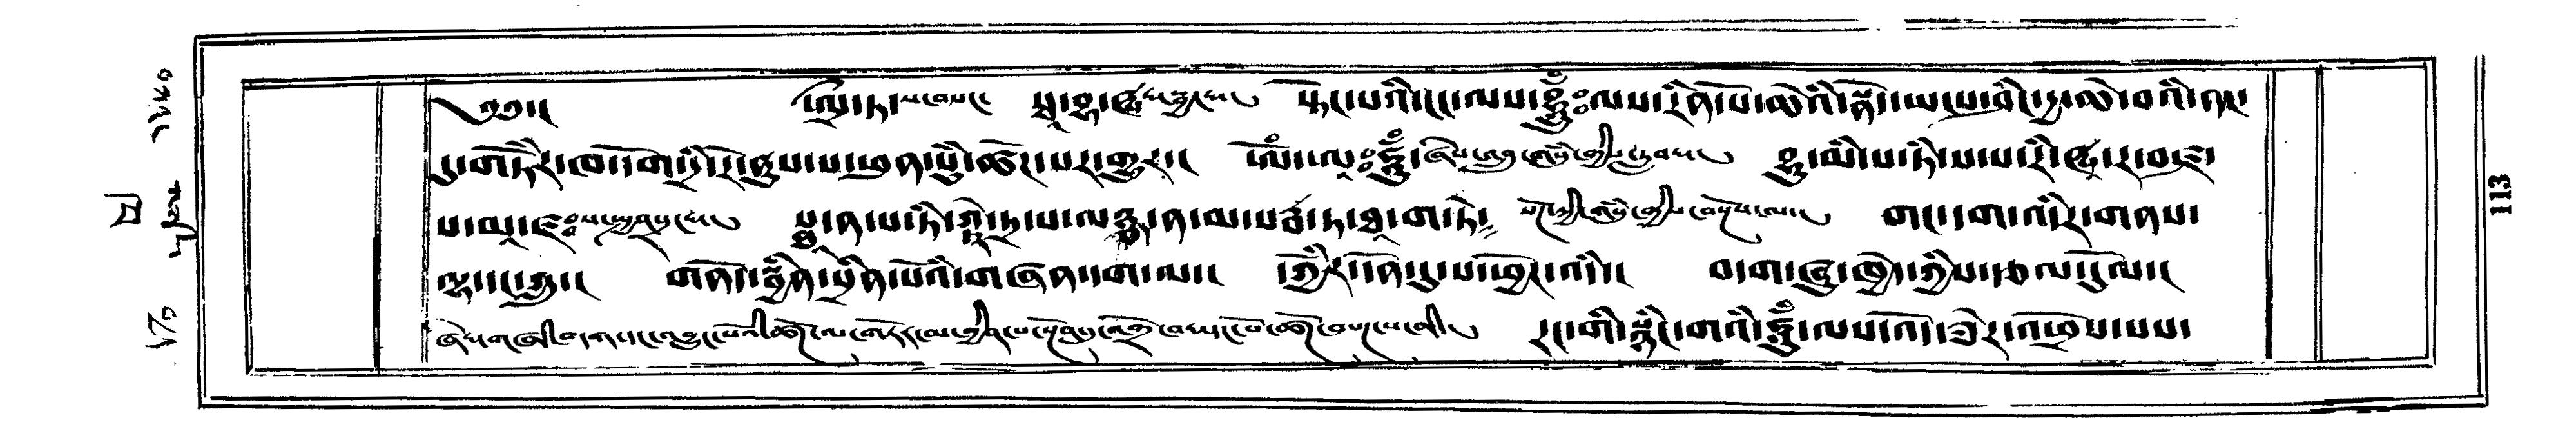ཨ་མྲི་ཏ ས་བསང་། སྭ་བྷ་ཝ ས་སྦྱངས། སྟོང་པའི་ངང་ལས་བྷྲུྃཿལས་རིན་པོ་ཆེའི་སྣོད་ཡངས་ཤིང་རྒྱ་ཆེ་བའི་ནང་
དུ་གཏོར་མ་ཁ་དོག་དྲི་རོ་ནུས་པ་ཕུན་སུམ་ཚོགས་པར་གྱུར། ཨོཾ་ཨཿཧཱུྃ་ཞེས་འབྲུ་གསུམ་གྱིས་བརླབས། བྷུ་མི་པ་ཏི་ས་པ་རི་ཝཱ་ར་བཛྲ་
ས་མཱ་ཛཿ ས་སྤྱན་དྲངས། སྠ་ན་པ་ཏི་ཀྵེ་ཏྲ་པ་ལཉྩ་ན་མ་སརྦ་ཏ་ཐཱ་ག་ཏེ༴ སོགས་ཀྱི་གསུམ་གྱིས་བསྔོས་ལ། གང་དག་འདིར་གནས་
ལྷ་དང་ཀླུ། །གནོད་སྦྱིན་སྲིན་པོའམ་གཞན་དག་ལ། །དཀྱིལ་འཁོར་དོན་དུ་ས་ཕྱོགས་འདི། །བདག་ཞུ་ཁྱེད་ཀྱིས་བརྩལ་དུ་གསོལ། ། 
ཞེས་གཞི་བདག་དང་འབྱུང་པོའི་ཚོགས་ལ་གཏོར་མ་བྱིན་པ་སྔོན་དུ་འགྲོ་བས། དང་པོ་ཚོགས་བསགས་པ་ནི། རང་གི་སྙིང་གའི་ཧཱུྃ་ལས་འོད་ཟེར་འཕྲོས་པས་